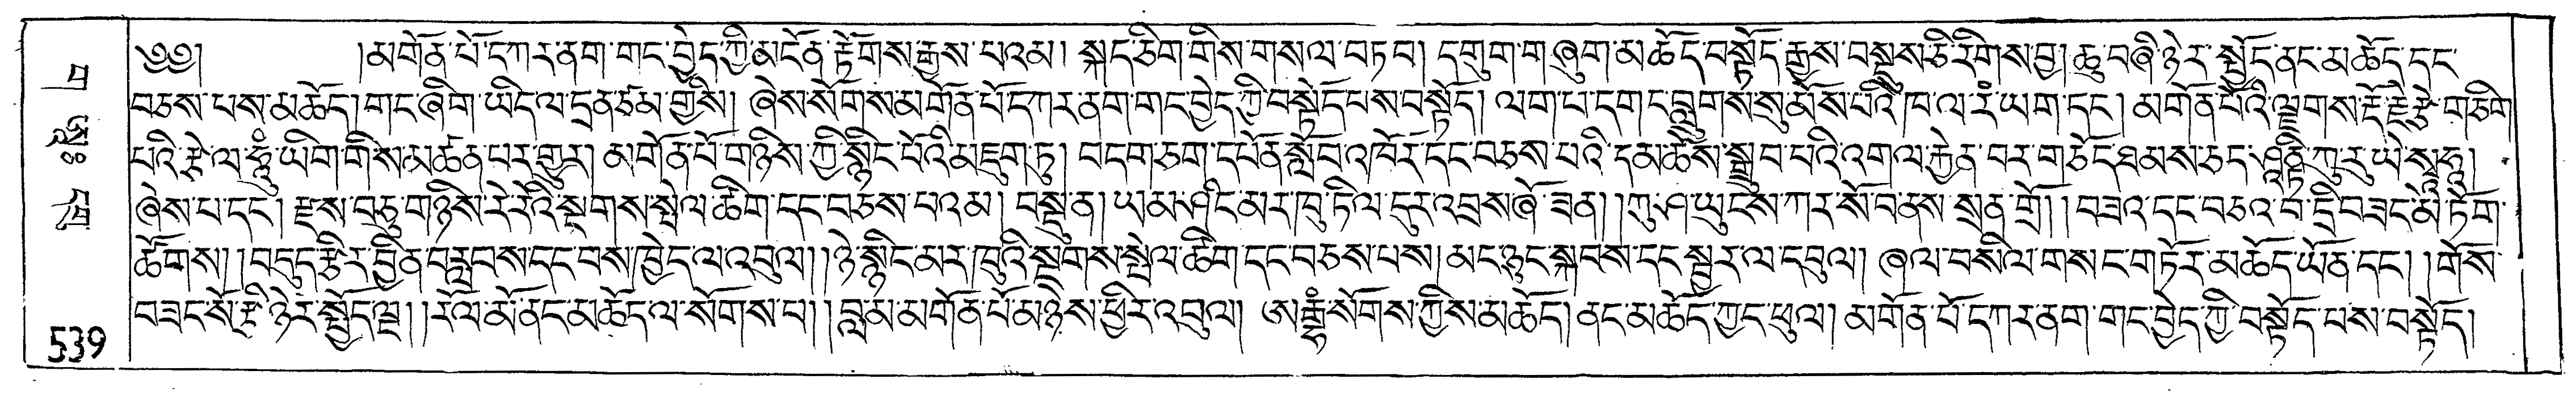༄༅། །མགོན་པོ་དཀར་ནག་གང་བྱེད་ཀྱི་མངོན་རྟོགས་རྒྱས་པའམ། སྐད་ཅིག་གིས་གསལ་བཏབ། དགུག་གཞུག་མཆོད་བསྟོད་རྒྱས་བསྡུས་ཅི་རིགས་བྱ། ཆུ་བཞི་ཉེར་སྤྱོད་ནང་མཆོད་དང་
བཅས་པས་མཆོད། གང་ཞིག་ཡིད་ལ་དྲན་ཙམ་གྱིས། ཞེས་སོགས་མགོན་པོ་དཀར་ནག་གང་བྱེད་ཀྱི་བསྟོད་པས་བསྟོད། ལག་པ་དགང་བླུགས་སུ་མོས་པའི་ཁ་ལ་རཾ་ཡག་དང་། མགོན་པོའི་ལྗགས་རྡོ་རྗེ་རྩེ་གཅིག་
པའི་རྩེ་ལ་ཧཱུཾ་ཡིག་གིས་མཚན་པར་གྱུར། མགོན་པོ་གཉིས་ཀྱི་སྙིང་པོའི་མཇུག་ཏུ། བདག་ཅག་དཔོན་སློབ་འཁོར་དང་བཅས་པའི་དམ་ཆོས་སྒྲུབ་པའི་འགལ་རྐྱེན་བར་གཅོད་ཐམས་ཅད་ཤཱནྟི་ཀུ་རུ་ཡེ་སྭཱཧཱ།
ཞེས་པ་དང་། རྫས་བཅུ་གཉིས་རེ་རེའི་སྔགས་སྤེལ་ཚིག་དང་བཅས་པའམ། བསྡུ་ན། ཡམ་ཤིང་མར་ཁུ་ཏིལ་ངུར་འབྲས་ཞོ་ཟན། །ཀུ་ཤ་ཡུངས་ཀར་སོ་བ་ནས་སྲན་གྲོ། །བཟའ་དང་བཅའ་བ་དྲི་བཟང་མེ་ཏོག་
ཚོགས། །བདུད་རྩིར་བྱིན་བརླབས་དང་བས་ཁྱེད་ལ་འབུལ། །ཉེ་སྙིང་མར་ཁུའི་སྔགས་སྤེལ་ཚིག་དང་བཅས་པས། མང་ཉུང་སྐབས་དང་སྦྱར་ལ་དབུལ། ཞལ་བསིལ་གསང་གཏོར་མཆོད་ཡོན་དང་། །གོས་
བཟང་སོ་རྩི་ཉེར་སྤྱོད་ལྔ། །རོལ་མོ་ནང་མཆོད་ལ་སོགས་པ། །བླ་མ་མགོན་པོ་མཉེས་ཕྱིར་འབུལ། ཨརྒྷཾ་སོགས་ཀྱིས་མཆོད། ནང་མཆོད་ཀྱང་ཕུལ། མགོན་པོ་དཀར་ནག་གང་བྱེད་ཀྱི་བསྟོད་པས་བསྟོད།